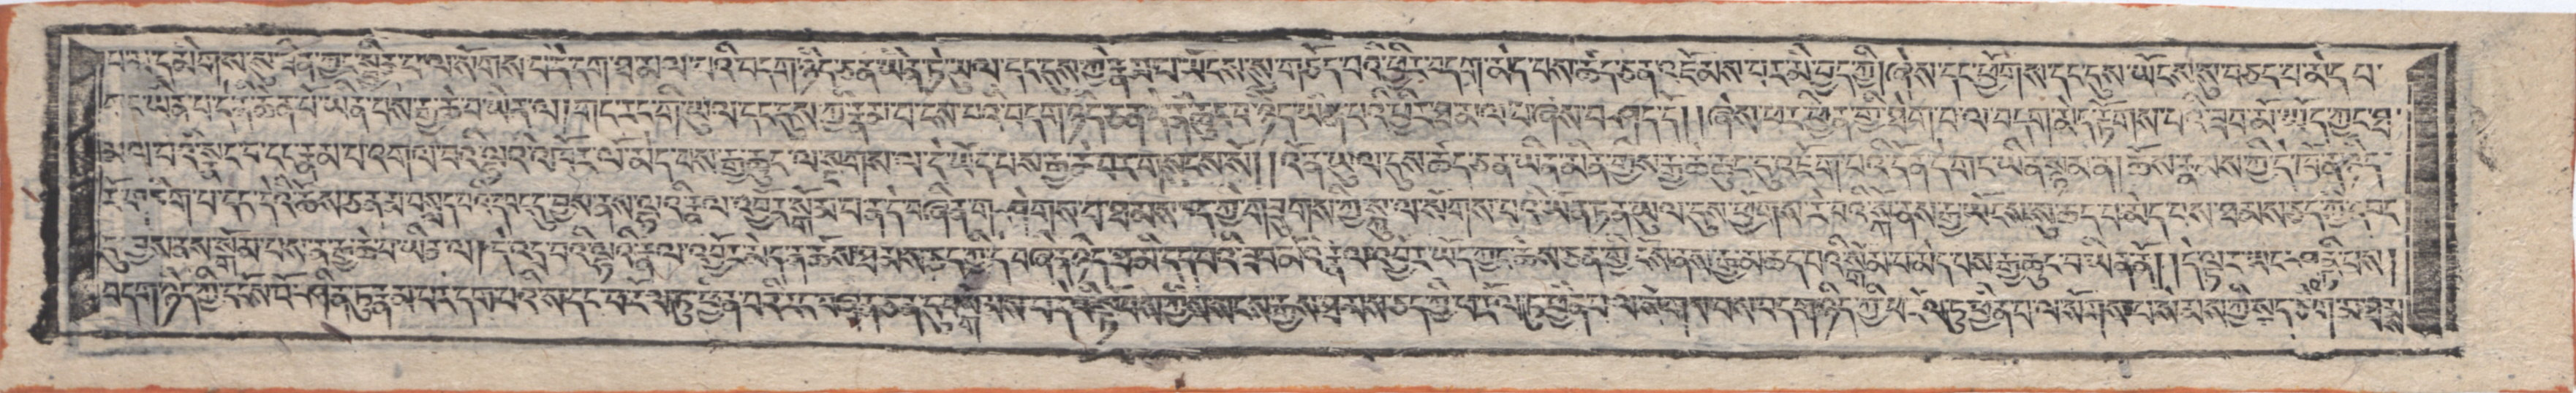པ་མ་དམིགས་སུ་ཟིན་ཀྱང་སྦྱིན་པ་ལ་སོགས་པ་དེ་དག་ཐ་མལ་པའི་བདག་ཉིད་ཅན་ཡིན་ཏེ་ཡུལ་དང་དུས་ཀྱི་རྣམ་པ་ཡོངས་སུ་གཅོད་པའི་ཕྱིར་བདག་མེད་པས་ཚད་ཅན་འཇོམས་པར་མི་བྱེད་ཀྱི། ཞེས་དང་ཕྱོགས་དང་དུས་ཡོངས་སུ་བཅད་པ་མེད་པ་གང་ཡིན་པ་དེ་ནི་ཆེན་པོ་ཡིན་པས་རྒྱ་ཆེ་བ་ཡིན་ལ། གང་རང་གི་ཡུལ་དང་དུས་ཀྱི་རྣམ་པ་ངེས་པའི་བདག་ཉིད་ཅན་དེ་ནི་ཆུང་བ་ཉིད་ཡིན་པའི་ཕྱིར་ཐ་མལ་པ་ཞེས་བཤད་དོ། །ཞེས་ཕར་ཕྱིན་གྱི་ཐེག་པ་ལ་བདག་མེད་རྟོགས་པའི་ཟབ་མོ་ཡོད་ཀྱང་ཐ་
མལ་པའི་སྣང་བ་དང་རྣམ་པ་འགལ་བའི་ལྷའི་འཁོར་ལོ་མེད་པས་རྒྱ་ཆུང་ལ་སྔགས་ལ་དེ་ཡོད་པས་རྒྱ་ཆེ་བར་གསུངས་སོ། །འོ་ན་ཡུལ་དུས་ཚད་ཅན་ཡིན་མིན་གྱིས་རྒྱ་ཆེ་ཆུང་དུ་འཇོག་པའི་དོན་དེ་གང་ཡིན་སྙམ་ན། ཆོས་རྣམས་ཀྱི་དེ་ཁོ་ན་ཉིད་
རོ་གཅིག་པ་དང་དེའི་ཆོས་ཅན་མ་བསླད་པའི་དབང་དུ་བྱས་ནས་ལྷའི་རྣལ་འབྱོར་སྒོམ་པ་ན་དེ་བཞིན་གཤེགས་པ་ཐམས་ཅད་ཀྱི་གཟུགས་ཀྱི་སྐུ་ལ་སོགས་པའི་ཡོན་ཏན་ཡུལ་དུས་ཕྱོགས་རེ་བའི་སྒོ་ནས་རྒྱ་ཡོངས་སུ་ཆད་པ་མེད་པས་ཐམས་ཅད་ཀྱི་དབང་
དུ་བྱས་ནས་སྒོམ་པས་ན་རྒྱ་ཆེ་བ་ཡིན་ལ། དེ་འདྲ་བའི་ལྷའི་རྣལ་འབྱོར་མེད་ན་ཆོས་ཐམས་ཅད་ཀྱི་དེ་བཞིན་ཉིད་ཐ་མི་དད་པའི་ཟབ་མོའི་རྣལ་འབྱོར་ཡོད་ཀྱང་ཆོས་ཅན་གྱི་ངོས་ནས་རྒྱ་མ་ཆད་པའི་སྒོམ་པ་མེད་པས་རྒྱ་ཆུང་བ་ཡིན་ནོ། །དེ་ལྟར་ཡང་ཤཱནྟི་པས།
བདག་ཉིད་ཀྱི་དངོས་པོ་ཤིན་ཏུ་རྣམ་པར་དག་པའི་ས་དང་ཕ་རོལ་ཏུ་ཕྱིན་པའི་རང་བཞིན་ཅན་དུ་བསྒོམས་པ་དེའི་སྟོབས་ཀྱིས་སངས་རྒྱས་ཐམས་ཅད་ཀྱི་ཕ་རོལ་ཏུ་ཕྱིན་པ་ལ་སོགས་པས་བདག་ཉིད་ཀྱི་ཕ་རོལ་ཏུ་ཕྱིན་པ་ལ་སོགས་པ་སེམས་ཀྱི་སྐད་ཅིག་མ་ཐམས་